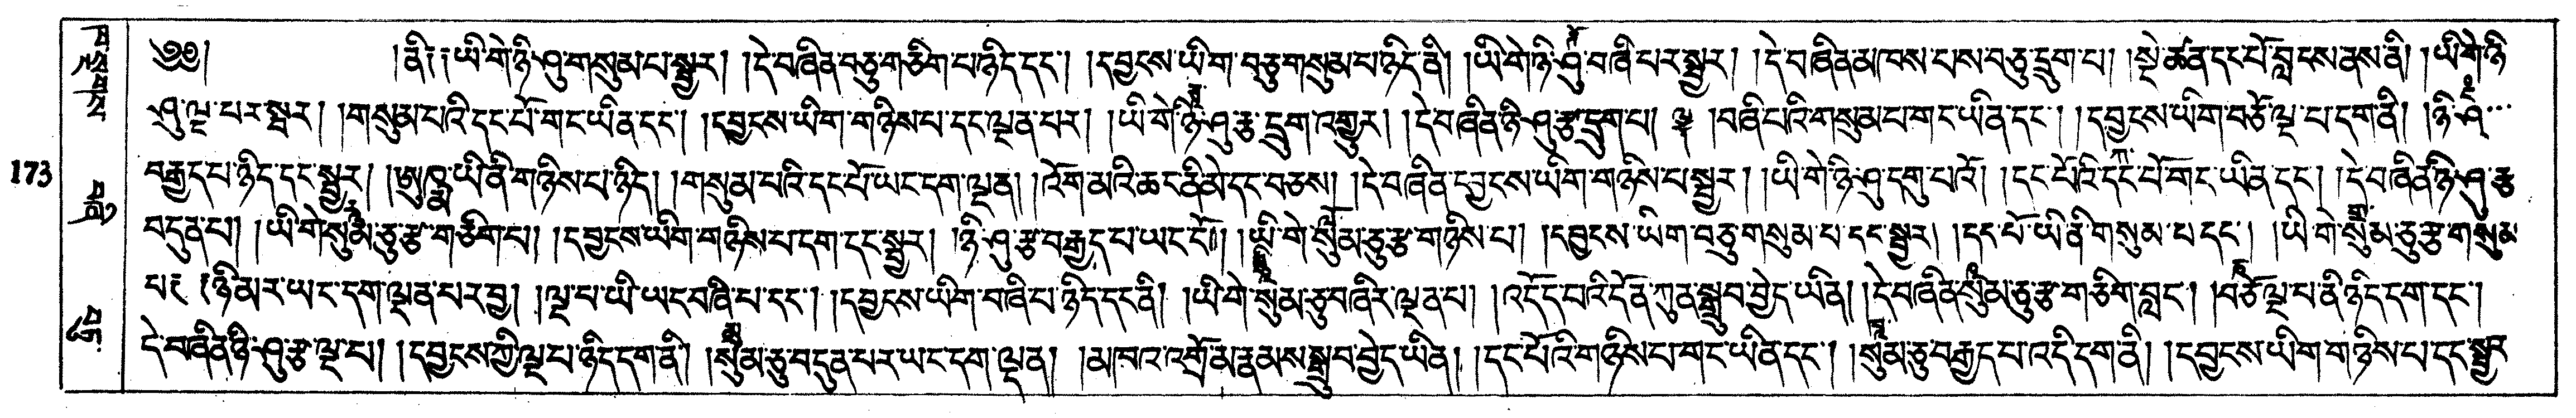༄༅། །ནི༑ ༑ཡི་གེ་ཉི་ཤུ་གསུམ་པ་སྦྱར། །དེ་བཞིན་བཅུ་གཅིག་པ་ཉིད་དང་། །དབྱངས་ཡིག་བཅུ་གསུམ་པ་ཉིད་ནི། །ཡི་གེ་ཊོ་ཉི་ཤུ་བཞི་པར་སྦྱར། །དེ་བཞིན་མཁས་པས་བཅུ་དྲུག་པ། །སྡེ་ཚན་དང་པོ་བླངས་ནས་ནི། །ཡི་གེ་ཉི་
ཤུ་ལྔ་པར་སྦར། །གསུམ་པའི་དང་པོ་གང་ཡིན་དང་། །དབྱངས་ཡིག་གཉིས་པ་དང་ལྡན་པར། །ཡི་གེ་ཊཱ་ཉི་ཤུ་རྩ་དྲུག་འགྱུར། །དེ་བཞིན་ཉི་ཤུ་རྩ་དྲུག་པ། ༈ །བཞི་པའི་གསུམ་པ་གང་ཡིན་དང་། །དབྱངས་ཡིག་བཅོ་ལྔ་པ་དག་ནི། །ཉི་དཾ་ཤཱ་
བརྒྱད་པ་ཉིད་དང་སྦྱར། །ཨུཥྨ་ཡི་ནི་གཉིས་པ་ཉིད། །གསུམ་པའི་དང་པོ་ཡང་དག་ལྡན། །འོག་མའི་ཆང་ནི་མེ་དང་བཅས། །དེ་བཞིན་དབྱངས་ཡིག་གཉིས་པ་སྦྱར། །ཡི་གེ་ཉི་ཤུ་དགུ་པའོ། །དང་པོའི་ཀ་དང་པོ་གང་ཡིན་དང་། །དེ་བཞིན་ཉི་ཤུ་རྩ་
བདུན་པ། །ཡི་གེ་རཱ་གསུམ་ཅུ་རྩ་གཅིག་པ། །དབྱངས་ཡིག་གཉིས་པ་དག་དང་སྦྱར། །ཉི་ཤུ་རྩ་བརྒྱད་པ་ཡང་ངོ། །ཡི་གེ་ལོ་སུམ་ཅུ་རྩ་གཉིས་པ། །དབྱངས་ཡིག་བཅུ་གསུམ་པ་དང་སྦྱར། །དང་པོ་ཡི་ནི་གསུམ་པ་དང་། །ཡི་གེ་གྲ་?་སུམ་ཅུ་རྩ་གསུམ་
པ༑ ༑ཉི་མར་ཡང་དག་ལྡན་པར་བྱ། །ལྔ་པ་ཡི་ཡང་བཞི་པ་དང་། །དབྱངས་ཡིག་བཞི་པ་ཉིད་དང་ནི། །ཡི་གེ་བྷཱི་སུམ་ཅུ་བཞིར་ལྡན་པ། །འདོད་པའི་དོན་ཀུན་སྒྲུབ་བྱེད་ཡིན། །དེ་བཞིན་ཥ་སུམ་ཅུ་རྩ་གཅིག་བླང་། །བཅོ་ལྔ་ཎ་པ་ནི་ཉིད་དག་དང་།
དེ་བཞིན་ཉི་ཤུ་རྩ་ལྔ་པ། །དབྱངས་ཀྱི་ལྔ་པ་ཉིད་དག་ནི། །སུམ་ཅུ་མུ་བདུན་པར་ཡང་དག་ལྡན། །མཁའ་འགྲོ་མ་རྣམས་སྒྲུབ་བྱེད་ཡིན། །དང་པོའི་གཉིས་པ་གང་ཡིན་དང་། སུམ་ཅུ་ཁཱ་བརྒྱད་པ་འདི་དག་ནི། །དབྱངས་ཡིག་གཉིས་པ་དང་སྦྱར་